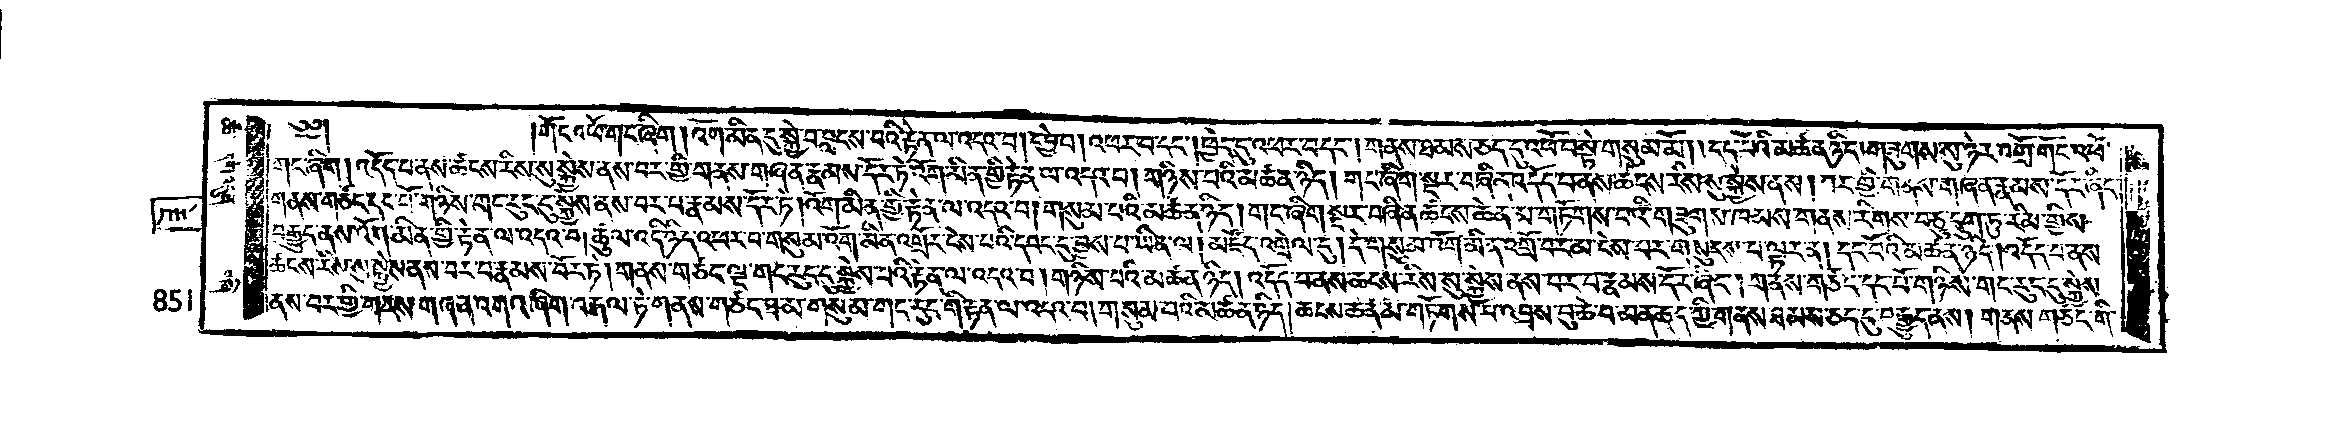༄༅། །གོང་འཕོ་གང་ཞིག །འོག་མིན་དུ་སྐྱེ་བ་བླངས་པའི་རྟེན་ལ་འདའ་བ། དབྱེ་བ། འཕར་བ་དང་། ཕྱེད་དུ་འཕར་བ་དང་། གནས་ཐམས་ཅད་དུ་འཕོ་བ་སྟེ་གསུམ་མོ། །དང་པོའི་མཚན་ཉིད། གཟུགས་སུ་ཉེར་འགྲོ་གོང་འཕོ་
གང་ཞིག །འདོད་པ་ནས་ཚངས་རིས་སུ་སྐྱེས་ནས་བར་གྱི་གནས་གཞན་རྣམས་དོར་ཏེ་འོག་མིན་གྱི་རྟེན་ལ་འདའ་བ། གཉིས་པའི་མཚན་ཉིད། གང་ཞིག་སྔར་བཞིན་འདོད་པ་ནས་ཚང་རིས་སུ་སྐྱེས་ནས། བར་གྱི་གནས་གཞན་རྣམས་དོར་ཞིང་
གནས་གཙང་དང་པོ་གཉིས་གང་རུང་དུ་སྐྱེས་ནས་བར་པ་རྣམས་དོར་ཏེ། འོག་མིན་གྱི་རྟེན་ལ་འདའ་བ། གསུམ་པའི་མཚན་ཉིད། གང་ཞིག་སྔར་བཞིན་ཚངས་ཆེན་མ་གཏོགས་པའི་གཟུགས་ཁམས་གནས་རིགས་བཅུ་དྲུག་ཏུ་རིམ་གྱིས་
བརྒྱུད་ནས་འོག་མིན་གྱི་རྟེན་ལ་འདའ་བ། ཚུལ་འདི་ཉིད་འཕར་བ་གསུམ་འོག་མིན་འགྲོར་ངེས་པའི་དབང་དུ་བྱས་པ་ཡིན་ལ། མཛོད་འགྲེལ་དུ། དེ་གསུམ་འོག་མིན་འགྲོ་བར་མ་ངེས་པར་གསུངས་པ་ལྟར་ན། དང་པོའི་མཚན་ཉིད། འདོད་པ་ནས་
ཚང་རིས་སུ་སྐྱེས་ནས་བར་པ་རྣམས་བོར་ཏེ། གནས་གཙང་ལྔ་གང་རུང་དུ་སྐྱེས་པའི་རྟེན་ལ་འདའ་བ། གཉིས་པའི་མཚན་ཉིད། འདོད་པ་ནས་ཚངས་རིས་སུ་སྐྱེས་ནས་བར་པ་རྣམས་དོར་ཞིང་། གནས་གཙང་དང་པོ་གཉིས་གང་རུང་དུ་སྐྱེས་
ནས་བར་གྱི་གནས་གཞན་འགའ་ཞིག་བརྒལ་ཏེ་གནས་གཙང་ཐ་མ་གསུམ་གང་རུང་གི་རྟེན་ལ་འདའ་བ། གསུམ་པའི་མཚན་ཉིད། ཚངས་ཆེན་མ་གཏོགས་པ་འབྲས་བུ་ཆེ་བ་མན་ཆད་ཀྱི་གནས་ཐམས་ཅད་དུ་བརྒྱུད་ནས། གནས་གཙང་གི་